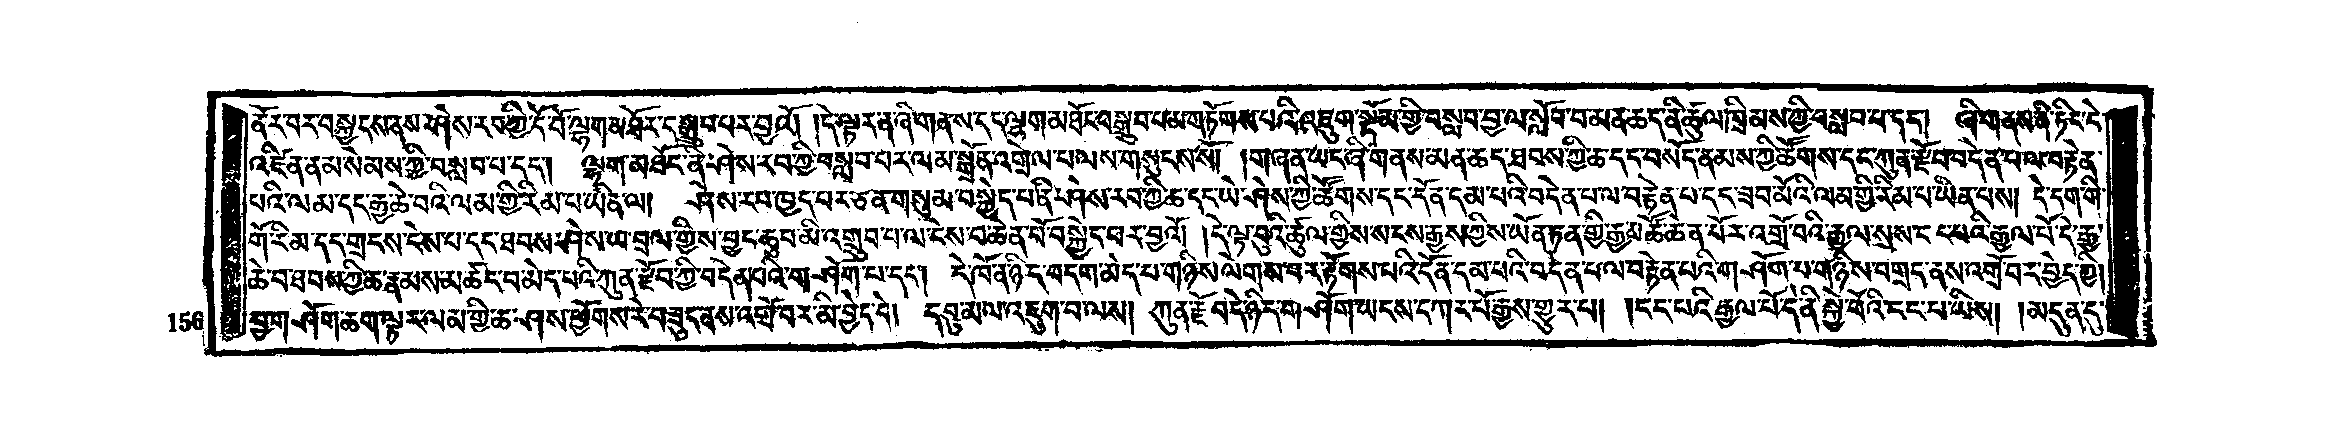ནོར་བར་བསྐྱངས་ནས་ཤེས་རབ་ཀྱི་ངོ་བོ་ལྷག་མཐོར་བསྒྲུབ་པར་བྱའོ། །དེ་ལྟར་ན་ཞི་གནས་དང་ལྷག་མཐོང་བསྒྲུབ་པ་མ་གཏོགས་པའི་འཇུག་སྡོམ་གྱི་བསླབ་བྱ་ལ་སློབ་བ་མན་ཆད་ནི་ཚུལ་ཁྲིམས་ཀྱི་བསླབ་པ་དང་། ཞི་གནས་ནི་ཏིང་ངེ་
འཛིན་ནམ་སེམས་ཀྱི་བསླབ་པ་དང་། ལྷག་མཐོང་ནི་ཤེས་རབ་ཀྱི་བསླབ་པར་ལམ་སྒྲོན་འགྲེལ་པ་ལས་གསུངས་སོ། །གཞན་ཡང་ཞི་གནས་མན་ཆད་ཐབས་ཀྱི་ཆ་དང་བསོད་ནམས་ཀྱི་ཚོགས་དང་ཀུན་རྫོབ་བདེན་པ་ལ་བརྟེན་
པའི་ལམ་དང་རྒྱ་ཆེ་བའི་ལམ་གྱི་རིམ་པ་ཡིན་ལ། ཤེས་རབ་ཁྱད་པར་ཅན་གསུམ་བསྐྱེད་པ་ནི་ཤེས་རབ་ཀྱི་ཆ་དང་ཡེ་ཤེས་ཀྱི་ཚོགས་དང་དོན་དམ་པའི་བདེན་པ་ལ་བརྟེན་པ་དང་ཟབ་མོའི་ལམ་གྱི་རིམ་པ་ཡིན་པས། དེ་དག་གི་
གོ་རིམ་དང་གྲངས་ངེས་པ་དང་ཐབས་ཤེས་ཡ་བྲལ་གྱིས་བྱང་ཆུབ་མི་འགྲུབ་པ་ལ་ངེས་པ་ཆེན་པོ་བསྐྱེད་པར་བྱའོ། །དེ་ལྟ་བུའི་ཚུལ་གྱིས་སངས་རྒྱས་ཀྱིས་ཡོན་ཏན་གྱི་རྒྱ་མཚོ་ཆེན་པོར་འགྲོ་བའི་རྒྱལ་སྲས་ངང་པའི་རྒྱལ་པོ་དེ་རྒྱ་
ཆེ་བ་ཐབས་ཀྱི་ཆ་རྣམས་མ་ཚང་བ་མེད་པའི་ཀུན་རྫོབ་ཀྱི་བདེན་པའི་གཤོག་པ་དང་། དེ་ཁོ་ན་ཉིད་བདག་མེད་པ་གཉིས་ལེགས་པར་རྟོགས་པའི་དོན་དམ་པའི་བདེན་པ་ལ་བརྟེན་པའི་གཤོག་པ་གཉིས་བགྲད་ནས་འགྲོ་བར་བྱེད་ཀྱི།
བྱ་གཤོག་ཆག་ལྟར་ལམ་གྱི་ཆ་ཤས་ཕྱོགས་རེ་བཟུང་ནས་འགྲོ་བར་མི་བྱེད་དེ། དབུ་མ་ལ་འཇུག་པ་ལས། ཀུན་རྫོབ་དེ་ཉིད་གཤོག་ཡངས་དཀར་པོ་རྒྱས་གྱུར་པ། །ངང་པའི་རྒྱལ་པོ་དེ་ནི་སྐྱེ་བོའི་ངང་པ་ཡིས། །མདུན་དུ་